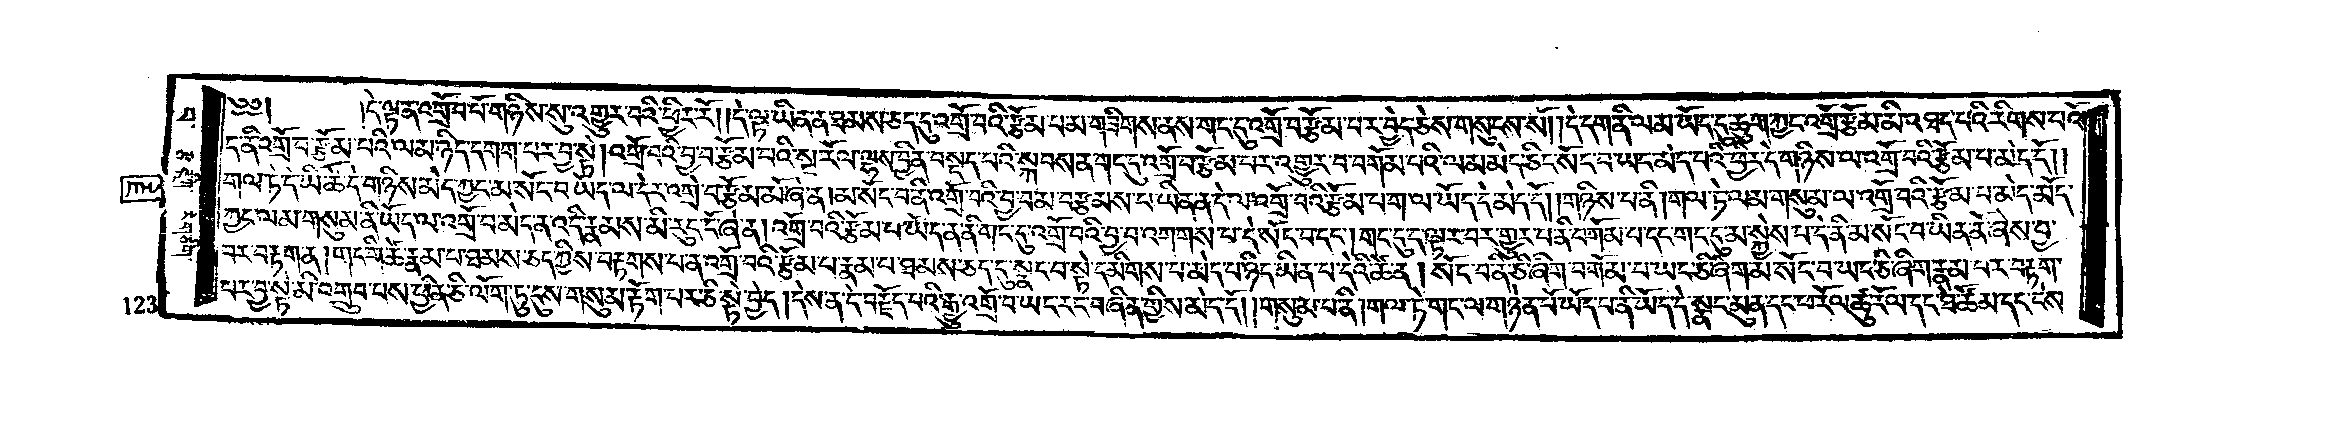༄༅། །དེ་ལྟ་ན་འགྲོ་བ་པོ་གཉིས་སུ་འགྱུར་བའི་ཕྱིར་རོ། །དེ་ལྟ་ཡིན་ན་ཐམས་ཅད་དུ་འགྲོ་བའི་རྩོམ་པ་མ་གཟིགས་ནས་གང་དུ་འགྲོ་བ་རྩོམ་པར་བྱེད་ཅེས་གསུངས་སོ། །དེ་དག་ནི་ལམ་ཡོད་དུ་ཆུག་ཀྱང་འགྲོ་རྩོམ་མི་འཐད་པའི་རིགས་པའོ་
ད་ནི་འགྲོ་བ་རྩོམ་པའི་ལམ་ཉིད་དགག་པར་བྱ་སྟེ། འགྲོ་བའི་བྱ་བ་རྩོམ་པའི་སྔ་རོལ་ལྷས་བྱིན་བསྡད་པའི་སྐབས་ན་གང་དུ་འགྲོ་བ་རྩོམ་པར་འགྱུར་བ་བགོམ་པའི་ལམ་མེད་ཅིང་སོང་བ་ཡང་མེད་པའི་ཕྱིར་དེ་གཉིས་ལ་འགྲོ་བའི་རྩོམ་པ་མེད་དོ། །
གལ་ཏེ་དེ་ཡི་ཚེ་དེ་གཉིས་མེད་ཀྱང་མ་སོང་བ་ཡོད་ལ་དེར་འགྲོ་བ་རྩོམ་མོ་ཞེ་ན། མ་སོང་བ་ནི་འགྲོ་བའི་བྱ་བ་བརྩམས་པ་ཡིན་ན་དེ་ལ་འགྲོ་བའི་རྩོམ་པ་ག་ལ་ཡོད་དེ་མེད་དོ། །གཉིས་པ་ནི། གལ་ཏེ་ལམ་གསུམ་ལ་འགྲོ་བའི་རྩོམ་པ་མེད་མོད་
ཀྱང་ལམ་གསུམ་ནི་ཡོད་ལ་འགྲོ་བ་མེད་ན་འདི་རྣམས་མི་རུང་ངོ་ཞེ་ན། འགྲོ་བའི་རྩོམ་པ་ཡོད་ན་ནི་གང་དུ་འགྲོ་བའི་བྱ་བ་འགགས་པ་དེ་སོང་བ་དང་། གང་དུ་ད་ལྟར་བར་གྱུར་པ་ནི་བགོམ་པ་དང་གང་དུ་མ་སྐྱེས་པ་དེ་ནི་མ་སོང་བ་ཡིན་ནོ་ཞེས་བྱ་
བར་བརྟག་ན། གང་གི་ཚེ་རྣམ་པ་ཐམས་ཅད་ཀྱིས་བཏགས་པ་ན་འགྲོ་བའི་རྩོམ་པ་རྣམ་པ་ཐམས་ཅད་དུ་སྣང་བ་སྟེ་དམིགས་པ་མེད་པ་ཉིད་ཡིན་པ་དེའི་ཚེ་ན། སོང་བ་ནི་ཅི་ཞིག་བགོམ་པ་ཡང་ཅི་ཞིག་མ་སོང་བ་ཡང་ཅི་ཞིག་རྣམ་པར་བརྟག་
པར་བྱ་སྟེ་མི་འགྲུབ་པས་ཕྱིན་ཅི་ལོག་ཏུ་དུས་གསུམ་རྟོག་པར་ཅི་སྟེ་བྱེད། དེས་ན་དེ་བརྗོད་པའི་རྒྱུ་འགྲོ་བ་ཡང་རང་བཞིན་གྱིས་མེད་དོ། །གསུམ་པ་ནི། གལ་ཏེ་གང་ལ་གཉེན་པོ་ཡོད་པ་ནི་ཡོད་དེ་སྣང་མུན་དང་ཕ་རོལ་ཚུ་རོལ་དང་ཐེ་ཚོམ་དང་ངེས་